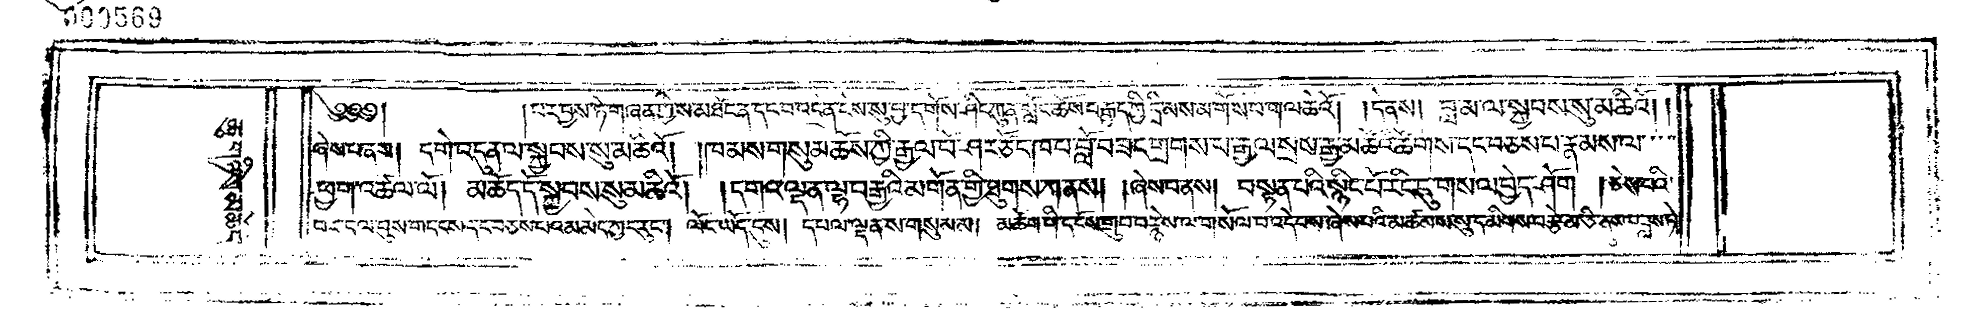༄༅༅། །པར་བྱས་ཏེ་གཞན་གྱིས་མཐོང་ན་དང་བ་འདྲེན་ངེས་སུ་བྱ་དགོས་ཤིང་ཀུན་སློང་ཆོས་བརྒྱད་ཀྱི་དྲི་མས་མ་གོས་པ་གལ་ཆེའོ། །དེ་ནས། བླ་མ་ལ་སྐྱབས་སུ་མཆིའོ། །
ཞེས་པ་ནས། དགེ་འདུན་ལ་སྐྱབས་སུ་མཆིའོ། །ཁམས་གསུམ་ཆོས་ཀྱི་རྒྱལ་པོ་ཤར་ཙོང་ཁ་པ་བློ་བཟང་གྲགས་པ་རྒྱལ་སྲས་རྒྱ་མཚོའི་ཚོགས་དང་བཅས་པ་རྣམས་ལ་
ཕྱག་འཚལ་ལོ། མཆོད་དོ་སྐྱབས་སུ་མཆིའོ། །དགའ་ལྡན་ལྷ་བརྒྱའི་མགོན་གྱི་ཐུགས་ཀ་ནས། །ཞེས་པ་ནས། བསྟན་པའི་སྙིང་པོ་རིང་དུ་གསལ་བྱེད་ཤོག །ཅེས་པའི་
བར་དལ་བུས་གདངས་དང་བཅས་པའམ་མེད་ཀྱང་རུང་། ལོང་ཡོད་དུས། དཔལ་ལྡན་ས་གསུམ་མ། མཆོག་གི་དངོས་གྲུབ་བརྙེས་ལ་གསོལ་བ་འདེབས་ཞེས་པའི་མཚམས་སུ་དམིགས་བརྩེ་མ་ཅི་ནུས་བཟླས་ཏེ་